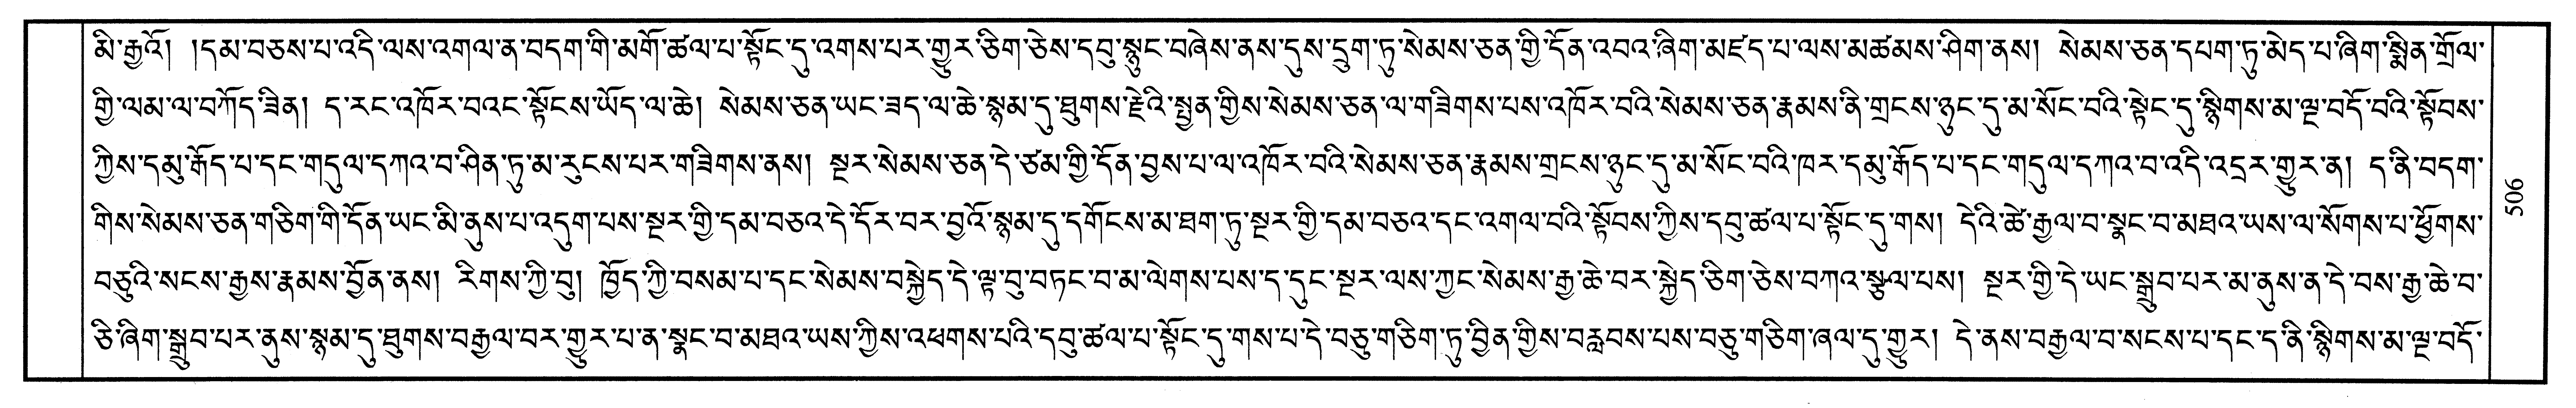མི་རྒྱའོ། །དམ་བཅས་པ་འདི་ལས་འགལ་ན་བདག་གི་མགོ་ཚལ་པ་སྟོང་དུ་འགས་པར་གྱུར་ཅིག་ཅེས་དབུ་སྙུང་བཞེས་ནས་དུས་དྲུག་ཏུ་སེམས་ཅན་གྱི་དོན་འབའ་ཞིག་མཛད་པ་ལས་མཚམས་ཤིག་ནས། སེམས་ཅན་དཔག་ཏུ་མེད་པ་ཞིག་སྨིན་གྲོལ་
གྱི་ལམ་ལ་བཀོད་ཟིན། ད་རང་འཁོར་བའང་སྟོངས་ཡོད་ལ་ཆེ། སེམས་ཅན་ཡང་ཟད་ལ་ཆེ་སྙམ་དུ་ཐུགས་རྗེའི་སྤྱན་གྱིས་སེམས་ཅན་ལ་གཟིགས་པས་འཁོར་བའི་སེམས་ཅན་རྣམས་ནི་གྲངས་ཉུང་དུ་མ་སོང་བའི་སྟེང་དུ་སྙིགས་མ་ལྔ་བདོ་བའི་སྟོབས་
ཀྱིས་དམུ་རྒོད་པ་དང་གདུལ་དཀའ་བ་ཤིན་ཏུ་མ་རུངས་པར་གཟིགས་ནས། སྔར་སེམས་ཅན་དེ་ཙམ་གྱི་དོན་བྱས་པ་ལ་འཁོར་བའི་སེམས་ཅན་རྣམས་གྲངས་ཉུང་དུ་མ་སོང་བའི་ཁར་དམུ་རྒོད་པ་དང་གདུལ་དཀའ་བ་འདི་འདྲར་གྱུར་ན། ད་ནི་བདག་
གིས་སེམས་ཅན་གཅིག་གི་དོན་ཡང་མི་ནུས་པ་འདུག་པས་སྔར་གྱི་དམ་བཅའ་དེ་དོར་བར་བྱའོ་སྙམ་དུ་དགོངས་མ་ཐག་ཏུ་སྔར་གྱི་དམ་བཅའ་དང་འགལ་བའི་སྟོབས་ཀྱིས་དབུ་ཚལ་པ་སྟོང་དུ་གས། དེའི་ཚེ་རྒྱལ་བ་སྣང་བ་མཐའ་ཡས་ལ་སོགས་པ་ཕྱོགས་
བཅུའི་སངས་རྒྱས་རྣམས་བྱོན་ནས། རིགས་ཀྱི་བུ། ཁྱོད་ཀྱི་བསམ་པ་དང་སེམས་བསྐྱེད་དེ་ལྟ་བུ་བཏང་བ་མ་ལེགས་པས་ད་དུང་སྔར་ལས་ཀྱང་སེམས་རྒྱ་ཆེ་བར་སྐྱེད་ཅིག་ཅེས་བཀའ་སྩལ་པས། སྔར་གྱི་དེ་ཡང་སྒྲུབ་པར་མ་ནུས་ན་དེ་བས་རྒྱ་ཆེ་བ་
ཅི་ཞིག་སྒྲུབ་པར་ནུས་སྙམ་དུ་ཐུགས་བརྒྱལ་བར་གྱུར་པ་ན་སྣང་བ་མཐའ་ཡས་ཀྱིས་འཕགས་པའི་དབུ་ཚལ་པ་སྟོང་དུ་གས་པ་དེ་བཅུ་གཅིག་ཏུ་བྱིན་གྱིས་བརླབས་པས་བཅུ་གཅིག་ཞལ་དུ་གྱུར། དེ་ནས་བརྒྱལ་བ་སངས་པ་དང་ད་ནི་སྙིགས་མ་ལྔ་བདོ་